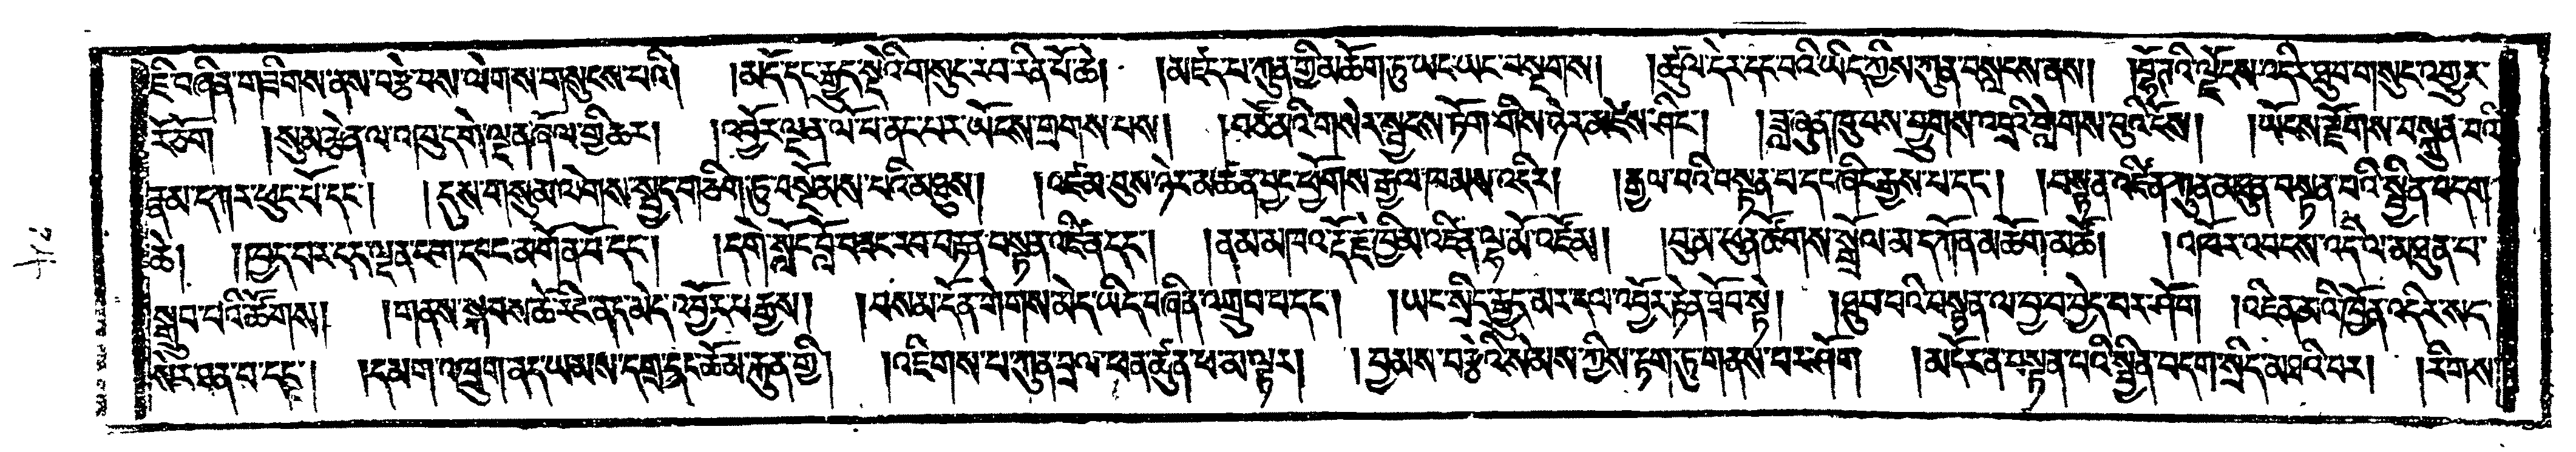ཇི་བཞིན་གཟིགས་ནས་བརྩེ་བས་ལེགས་གསུངས་པའི། །མདོ་དང་རྒྱུད་སྡེའི་གསུང་རབ་རིན་པོ་ཆེ། །མཛད་པ་ཀུན་གྱི་མཆོག་ཏུ་ཡང་ཡང་བསྔགས། །ཚུལ་དེར་དང་བའི་ཡིད་ཀྱིས་ཀུན་བསླངས་ནས། །བྷོ་ཊའི་ལྗོངས་འདིར་ཐུབ་གསུང་འགྱུར་
རོ་ཅོག །སུམ་རྩེན་ལ་འཁུ་དགེ་ལྡན་ཞོལ་གྱི་ཆར། །འབྱོར་ལྡན་ལོ་པ་ནང་པར་ཡོངས་གྲགས་པས། །བཙོ་མའི་གསེར་སྦྱངས་ཏོག་གིས་ཉེར་མཛེས་ཤིང་། །ཟླ་ཞུན་ཁུ་བས་བྱུགས་འདྲའི་གླེགས་བུའི་ངོས། །ཡོངས་རྫོགས་བསྐྲུན་བའི་
རྣམ་དཀར་ཕུང་པོ་དང་། །དུས་གསུམ་ལེགས་སྦྱད་གཅིག་ཏུ་བསྔོམས་པའི་མཐུས། །འཛམ་བུས་ཉེར་མཚན་བྱང་ཕྱོགས་རྒྱལ་ཁམས་འདིར། །རྒྱལ་བའི་བསྟན་བ་དང་ཞིང་རྒྱས་པ་དང་། །བསྟན་འཛིན་ཀུན་མཐུན་བསྟན་པའི་སྦྱིན་བདག་
ཆེ། །ཁྱད་བར་དང་ལྡན་ངག་དབང་མགོན་པོ་དང་། །དགེ་སློང་བློ་བཟང་རབ་བརྟན་བསྟན་འཛིན་དང་། །ནམ་མཁའ་རྡོ་རྗེ་ཁྱིམ་འཛིན་ལྷ་མོ་འཛོམ། །བུ་མ་ཕུན་ཚོགས་སྒྲོལ་མ་དཀོན་མཆོག་མཚོ། །འཁོར་འབངས་འདི་ལ་མཐུན་པ་
སྒྲུབ་པའི་ཚོགས། །གནས་སྐབས་ཚེ་རིང་ནད་མེད་འབྱོར་པ་རྒྱས། །བསམ་དོན་གེགས་མེད་ཡིད་བཞིན་འགྲུབ་པ་དང་། །ཡང་སྲིད་རྒྱུད་མར་དལ་འབྱོར་རྟེན་ཐོབ་སྟེ། །ཐུབ་བའི་བསྟན་ལ་བྱ་བ་བྱེད་བར་ཤོག །འཇིན་མའི་ཁྱོན་འདིར་སད་
སེར་ཐན་པ་དང་། །དམག་འཁྲུག་ནད་ཡམས་དགྲ་དང་ཆོམ་རྐུན་གྱི། །འཇིགས་པ་ཀུན་བྲལ་ཕན་ཚུན་ཕ་མ་ལྟར། །བྱམས་བརྩེའི་སེམས་ཀྱིས་རྟག་ཏུ་གནས་བར་ཤོག །མདོར་ན་བསྟན་པའི་སྦྱིན་བདག་སྲིད་མཐའི་བར། །རིགས་